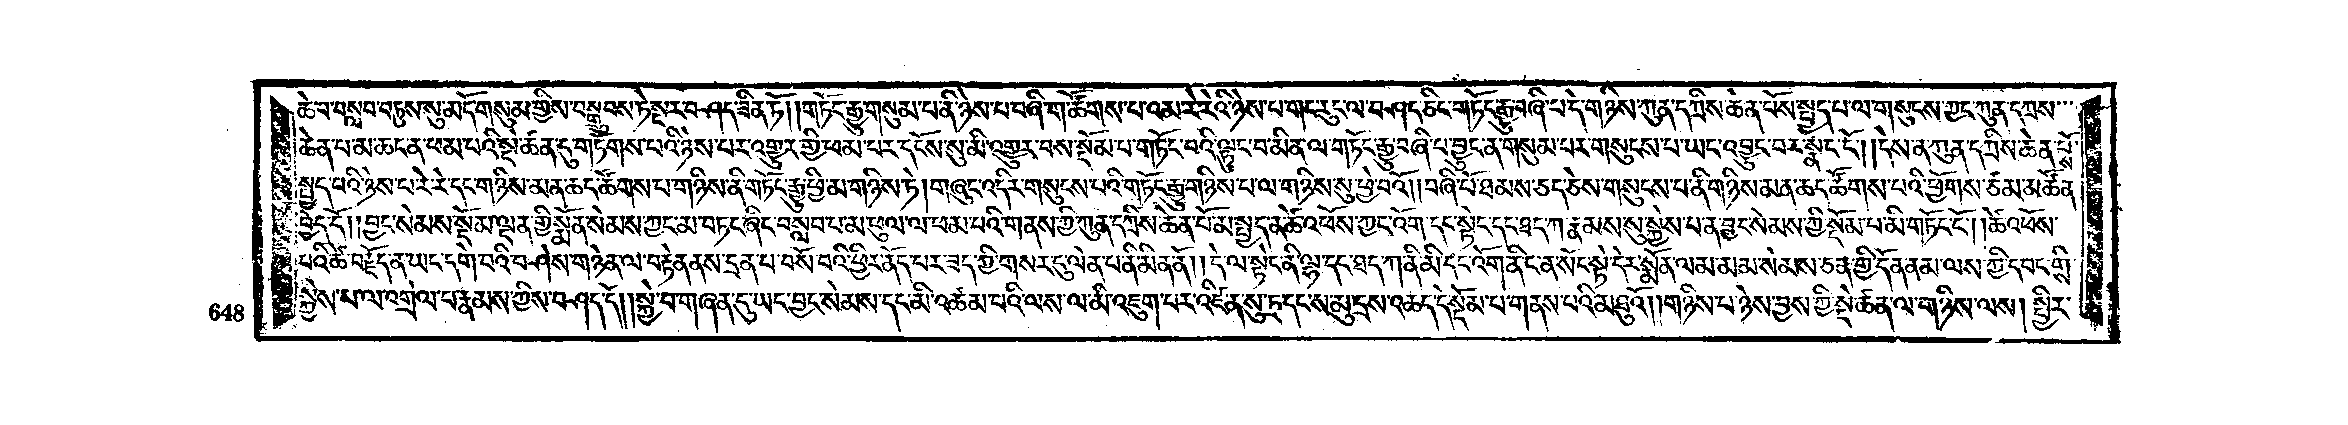ཆེ་བ་བསླབ་བཏུས་སུ་མདོ་གསུམ་གྱིས་བསྒྲུབས་ཏེ་སྔར་བཤད་ཟིན་ཏོ། །གཏོང་རྒྱུ་གསུམ་པ་ནི་ཉེས་པ་བཞི་ག་ཚོགས་པ་འམ་རེ་རེའི་ཉེས་པ་གང་རུང་ལ་བཤད་ཅིང་གཏོང་རྒྱུ་བཞི་པ་དེ་གཉིས་ཀུན་དཀྲིས་ཆེན་པོས་སྤྱད་པ་ལ་གསུངས་ཀྱང་ཀུན་དཀྲས་
ཆེན་པ་མ་ཆད་ན་ཕམ་པའི་སྡེ་ཚན་དུ་གཏོགས་པའི་ཉེས་པར་འགྱུར་གྱི་ཕམ་པར་དངོས་སུ་མི་འགྱུར་བས་སྡོམ་པ་གཏོང་བའི་ལྟུང་བ་མིན་ལ་གཏོང་རྒྱུ་བཞི་པ་བྱུང་ན་གསུམ་པ་གསུངས་པ་ཡང་འབྱུང་བར་སྣང་ངོ། །དེས་ན་ཀུན་དཀྲིས་ཆེན་པོས་
སྤྱད་པའི་ཉེས་པ་རེ་རེ་དང་གཉིས་མན་ཆད་ཚོགས་པ་གཉིས་ནི་གཏོང་རྒྱུ་ཕྱི་མ་གཉིས་ཏེ། གཞུང་འདིར་གསུངས་པའི་གཏོང་རྒྱུ་གཉིས་པ་ལ་གཉིས་སུ་ཕྱེ་བའོ། །བཞི་པོ་ཐམས་ཅད་ཅེས་གསུངས་པ་ནི་གཉིས་མན་ཆད་ཚོགས་པའི་ཕྱོགས་ཙམ་མཚོན་
བྱེད་དོ། །བྱང་སེམས་སྡོམ་ལྡན་གྱི་སྨོན་སེམས་ཀྱང་མ་བཏང་ཞིང་བསླབ་པ་མ་ཕུལ་ལ་ཕམ་པའི་གནས་ཀྱི་ཀུན་དཀྲིས་ཆེན་པོ་མ་སྤྱད་ན་ཚེ་འཕོས་ཀྱང་འོག་དང་སྟེང་དང་ཐད་ཀ་རྣམས་སུ་སྐྱེས་པ་ན་བྱང་སེམས་ཀྱི་སྡོམ་པ་མི་གཏོང་ངོ། །ཚེ་འཕོས་
པའི་ཚེ་བརྗོད་ན་ཡང་དགེ་བའི་བཤེས་གཉེན་ལ་བརྟེན་ནས་དྲན་པ་བསོ་བའི་ཕྱིར་ནོད་པར་ཟད་ཀྱི་གསར་དུ་ལེན་པ་ནི་མིན་ནོ། །དེ་ལ་སྟེང་ནི་ལྷ་དང་ཐད་ཀ་ནི་མི་དང་འོག་ནི་ངན་སོང་སྟེ་དེར་སྨོན་ལམ་མམ་སེམས་ཅན་གྱི་དོན་ནམ་ལས་ཀྱི་དབང་གིས་
སྐྱིས་པ་ལ་འགྲེལ་པ་རྣམས་ཀྱིས་བཤད་དོ། །སྐྱེ་བ་གཞན་དུ་ཡང་བྱང་སེམས་དང་མི་འཚམ་པའི་ལས་ལ་མི་འཇུག་པར་འཛིན་སུ་དྲ་དང་ས་མུ་དྲས་འཆད་དེ་སྡོམ་པ་གནས་པའི་མཐུའོ། །གཉིས་པ་ཉེས་བྱས་ཀྱི་སྡེ་ཚན་ལ་གཉིས་ལས། སྤྱིར་